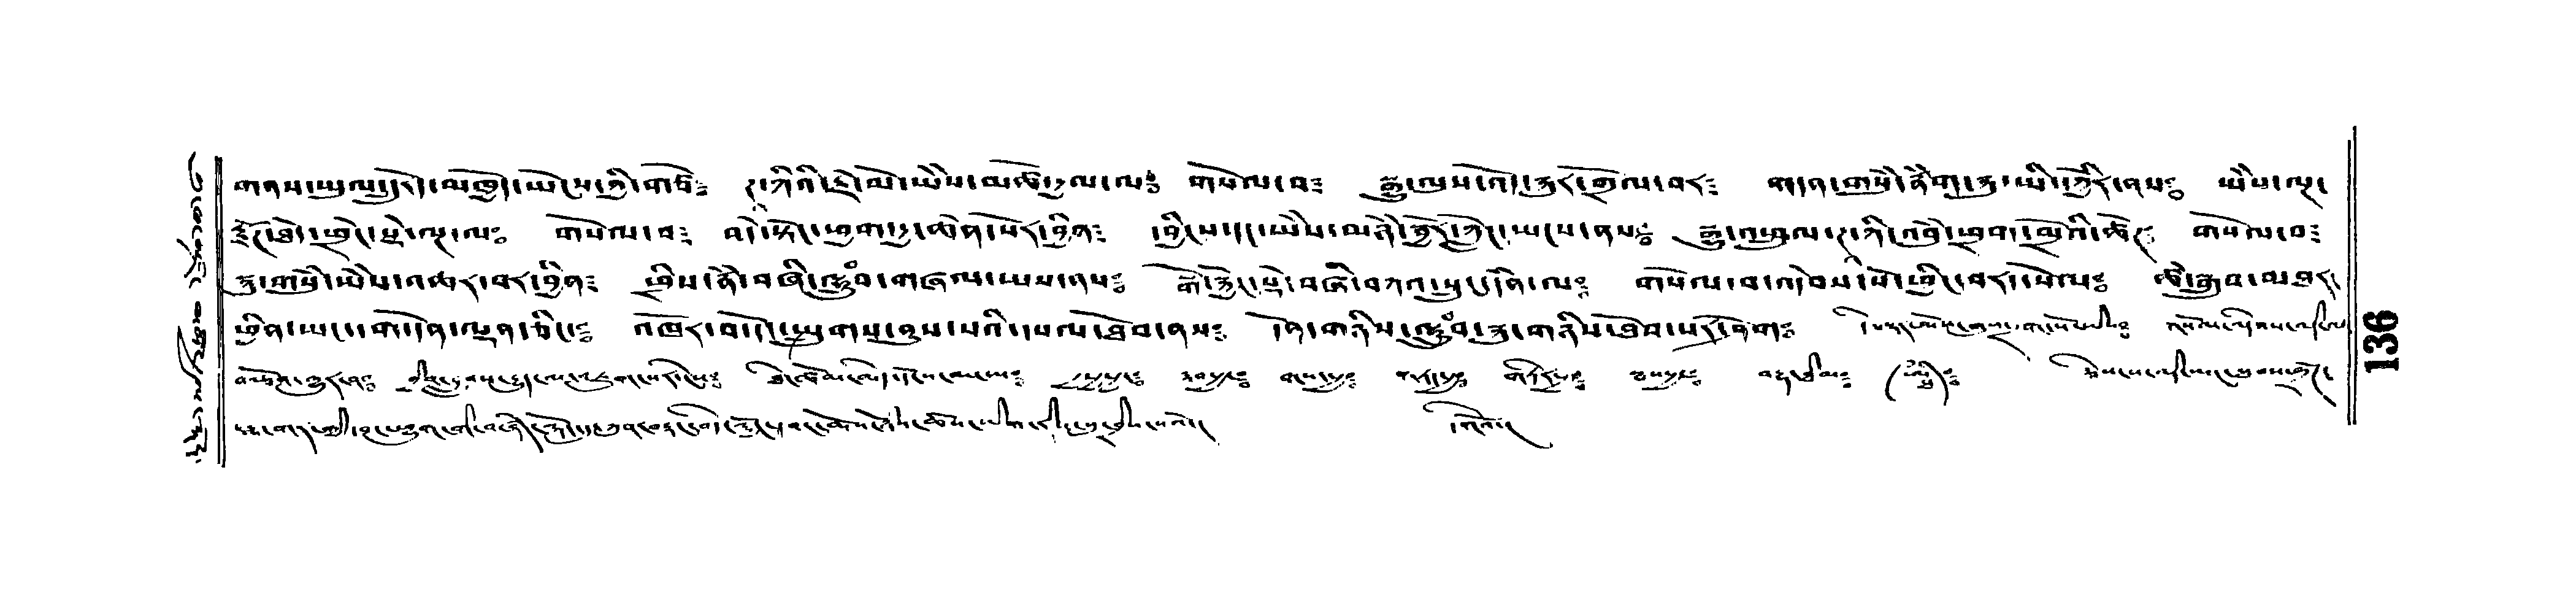གནས་ཡུལ་དུར་ཁྲོད་མཁའ་སྤྱོད་ཡོངས་ཀྱི་གཙོ༔ ཌཱ་ཀིའི་རྗེ་མེ་ཡེ་ཤེས་མཚོ་རྒྱལ་ལ༔ གསོལ་བ༴ སྒྱུ་ལུས་འོད་སྐུར་གྲོལ་བར༴ གདན་གསུམ་རྣམ་དག་སྐུ་ཡི་དཀྱིལ་འཁོར་ནས༔ ཡེ་ཤེས་ལྔ་
རྫོགས་ཐོད་ཕྲེང་སྡེ་ལྔ་ལ༔ གསོལ་བ༴ བདེ་སྟོང་ཕྱག་རྒྱ་ཆེན་པོར༴ དབྱིངས་དང་ཡེ་ཤེས་མཉམ་སྦྱོར་ཀློང་ཡངས་ནས༔ སྒྱུ་འཕྲུལ་ཌཱ་ཀི་འབུམ་ཕྲག་མཁའ་འགྲོའི་ཚོགས༔ གསོལ་བ༴ 
སྐུ་གསུམ་ཡེ་ཤེས་འཆར་བར༴ ཕྲིན་ལས་རྣམ་བཞི་ལྷུན་གྲུབ་གཞལ་ཡས་ནས༔ སྒོ་སྐྱོང་སྡེ་བཞི་བཀའ་སྲུང་དམ་ཅན་ལ༔ གསོལ་བ་འདེབས་སོ་ཕྱི་ནང་བར་ཆད་སོལ༔ ཚེ་སྒྲུབ་མཐར་
ཕྱིན་ཡང་དག་དོན་ལྡན་ཅིང༔ འཁོར་བ་དོང་སྤྲུགས་ནུས་པའི་དཔལ་ཐོབ་ནས༔ དོན་གཉིས་ལྷུན་གྲུབ་སྐུ་གཉིས་ཐོབ་པར་ཤོག༔ དེ་ལྟར་མོས་གུས་དྲག་པོ་ཡིས༔ གསོལ་འདེབས་འདི་ལ་
བརྩོན་གྱུར་ན༔ བྱིན་རླབས་རྒྱུད་ལ་འཇུག་པར་ངེས༔ ཐེ་ཚོམ་མེད་དོ་ས་མ་ཡ༔ རྒྱ་རྒྱ་རྒྱ༔ ཟབ་རྒྱ༔ གསང་རྒྱ༔ གཏད་རྒྱ༔ གཏེར་རྒྱ༔ སྦས་རྒྱ༔བརྡ་ཐིམ༔ ༔ ཅེས་པ་འདི་ཡང་ཐབས་གྲོགས་
པདྨ་གར་གྱི་དབང་ཕྱུག་གི་བཞེད་སྐོང་དུ་ཀུན་བཟང་བདེ་སྐྱོང་དབང་མོས་ཉམས་ཆོས་ཡིག་རིས་སུ་བྲིས་པའོ།། དགེའོ།།